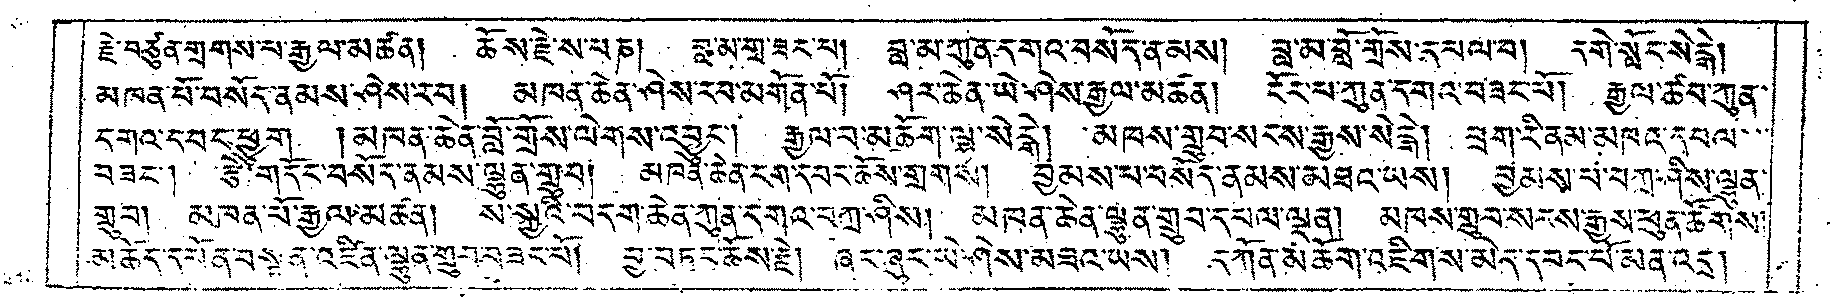རྗེ་བཙུན་གྲགས་པ་རྒྱལ་མཚན། ཆོས་རྗེ་ས་པཎ། བླ་མ་གྲ་ཐང་པ། བླ་མ་ཀུན་དགའ་བསོད་ནམས། བླ་མ་བློ་གྲོས་དཔལ་བ། དགེ་སློང་སེངྒེ།
མཁན་པོ་བསོད་ནམས་ཤེས་རབ། མཁན་ཆེན་ཤེས་རབ་མགོན་པོ། ཤར་ཆེན་ཡེ་ཤེས་རྒྱལ་མཚན། ངོར་པ་ཀུན་དགའ་བཟང་པོ། རྒྱལ་ཚབ་ཀུན་
དགའ་དབང་ཕྱུག །མཁན་ཆེན་བློ་གྲོས་ལེགས་འབྱུང་། རྒྱལ་བ་མཆོག་ལྷ་སེངྒེ། མཁས་གྲུབ་སངས་རྒྱས་སེངྒེ། བྲག་རི་ནམ་མཁའ་དཔལ་
བཟང་། རྩེ་གདོང་བསོད་ནམས་ལྷུན་གྲུབ། མཁན་ཆེན་ངག་དབང་ཆོས་གྲགས། བྱམས་པ་བསོད་ནམས་མཐའ་ཡས། བྱམས་པ་བཀྲ་ཤིས་ལྷུན་
གྲུབ། མཁན་པོ་རྒྱལ་མཚན། ས་སྐྱའི་བདག་ཆེན་ཀུན་དགའ་བཀྲ་ཤིས། མཁན་ཆེན་ལྷུན་གྲུབ་དཔལ་ལྡན། མཁས་གྲུབ་སངས་རྒྱས་ཕུན་ཚོགས།
མཆོད་དཔོན་བསྟན་འཛིན་ལྷུན་གྲུབ་བཟང་པོ། བྱ་བཏང་ཆོས་རྗེ། ཞང་ཞུང་ཡེ་ཤེས་མཐའ་ཡས། དཀོན་མཆོག་འཇིགས་མེད་དབང་པོ་མན་འདྲ།